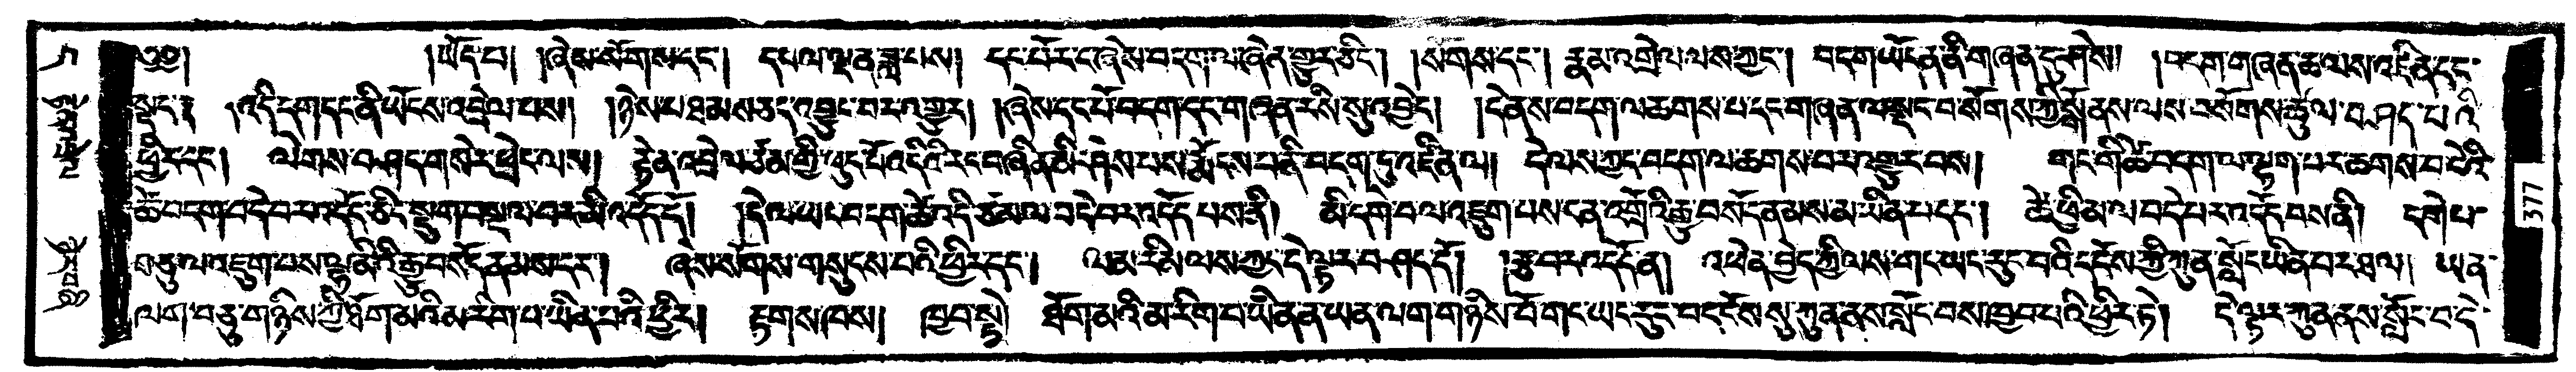༄༅། །ཡོད་པ། །ཞེས་སོགས་དང་། དཔལ་ལྡན་ཟླ་པས། དང་པོར་ང་ཞེས་བདག་ལ་ཞེན་གྱུར་ཅིང་། །སོགས་དང་། རྣམ་འགྲེལ་ལས་ཀྱང་། བདག་ཡོད་ན་ནི་གཞན་དུ་ཤེས། །བདག་གཞན་ཆ་ལས་འཛིན་དང་
སྣང༑ ༑འདི་དག་དང་ནི་ཡོངས་འབྲེལ་བས། །ཉེས་པ་ཐམས་ཅད་འབྱུང་བར་འགྱུར། །ཞེས་དང་པོ་བདག་དང་གཞན་རིས་སུ་འབྱེད། །དེ་ནས་བདག་ལ་ཆགས་པ་དང་གཞན་ལ་སྡང་བ་སོགས་ཀྱི་སྒོ་ནས་ལས་བསོགས་ཚུལ་བཤད་པའི་
ཕྱིར་དང་། ལེགས་བཤད་གསེར་ཕྲེང་ལས། རྟེན་འབྲེལ་ཙམ་གྱི་ཕུང་པོ་འདིའི་རང་བཞིན་མི་ཤེས་པས་རྨོངས་པ་ནི་བདག་ཏུ་འཛིན་ལ། དེ་ལས་ཀྱང་བདག་ལ་ཆགས་པར་འགྱུར་བས། གང་གི་ཚེ་བདག་ལ་ལྷག་པར་ཆགས་པ་དེའི་
ཚེ་བདག་བདེ་བར་འདོད་ཅིང་སྡུག་བསྔལ་བར་མི་འདོད་དོ། །དེ་ལ་ཡང་བདག་ཚེ་འདི་ཙམ་ལ་བདེ་བར་འདོད་པས་ནི། མི་དགེ་བ་ལ་འཇུག་པས་ངན་འགྲོའི་རྒྱུ་བསོད་ནམས་མ་ཡིན་པ་དང་། ཚེ་ཕྱི་མ་ལ་བདེ་པར་འདོད་བས་ནི། དགེ་པ་
བཅུ་ལ་འཇུག་པས་ལྷ་མིའི་རྒྱུ་བསོད་ནམས་དང་། ཞེས་སོགས་གསུངས་པའི་ཕྱིར་དང་། ལམ་རིམ་ལས་ཀྱང་དེ་ལྟར་བཤད་དོ། །རྩ་བར་འདོད་ན། འཕེན་བྱེད་ཀྱི་ལས་གང་ཡང་རུང་བའི་དངོས་ཀྱི་ཀུན་སློང་ཡིན་པར་ཐལ། ཡན་
ལག་བཅུ་གཉིས་ཀྱི་ཐོག་མའི་མ་རིག་པ་ཡིན་པའི་ཕྱིར། རྟགས་ཁས། ཁྱབ་སྟེ། ཐོག་མའི་མ་རིག་པ་ཡིན་ན་ཡན་ལག་གཉིས་པོ་གང་ཡང་རུང་བ་དངོས་སུ་ཀུན་ནས་སློང་བས་ཁྱབ་པའི་ཕྱིར་ཏེ། དེ་ལྟར་ཀུན་ནས་སློང་བ་དེ་